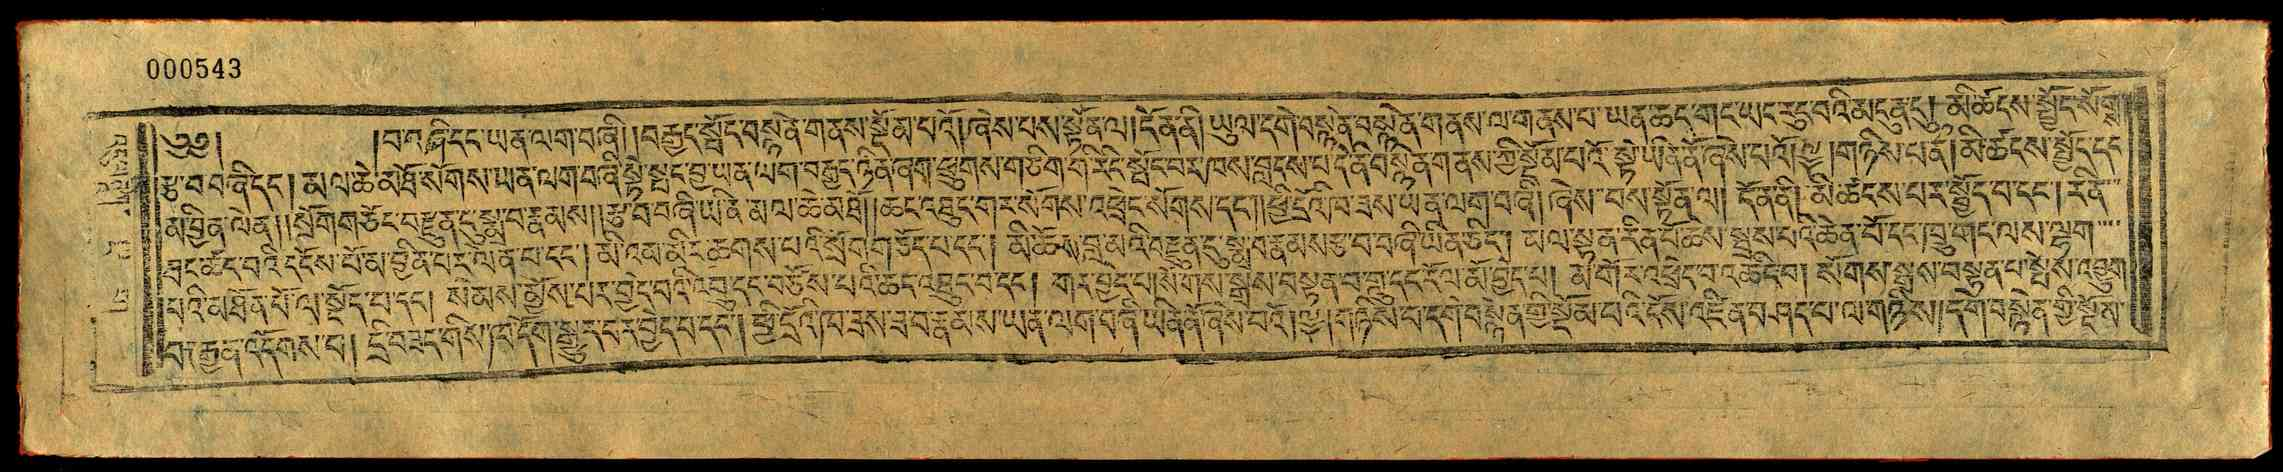༄༅། །བ་བཞི་དང་ཡན་ལག་བཞི། །བརྒྱད་སྤོང་བསྙེན་གནས་སྡོམ་པའོ། ཞེས་པས་སྟོན་ལ། དོན་ནི། ཡུལ་དགེ་བསྙེན་བསྙེན་གནས་ལ་གནས་པ་ཡན་ཆད་གང་ཡང་རུང་བའི་མདུན་དུ། མི་ཚངས་སྤྱོད་སོགས་
རྩ་བ་བཞི་དང་། མལ་ཆེ་མཐོ་སོགས་ཡན་ལག་བཞི་སྟེ་སྤང་བྱ་ཡན་ལག་བརྒྱད་ཉིན་ཞག་ཕྲུགས་གཅིག་གི་རིང་སྤོང་བར་ཁས་བླངས་པ་དེ་ནི་བསྙེན་གནས་ཀྱི་སྡོམ་པའོ་སྟེ་ཡིན་ནོ་ཞེས་པའོ། ༈ །གཉིས་པ་ནི། མི་ཚངས་སྤྱོད་དང་
མ་བྱིན་ལེན། །སྲོག་གཅོད་བརྫུན་དུ་སྨྲ་བ་རྣམས། །རྩ་བ་བཞི་ཡིན་མལ་ཆེ་མཐོ། །ཆང་འཐུང་གར་སོགས་འཕྲེང་སོགས་དང་། །ཕྱི་དྲོའི་ཁ་ཟས་ཡན་ལག་བཞི། ཞེས་པས་སྟོན་ལ། དོན་ནི། མི་ཚངས་པར་སྤྱོད་པ་དང་། རིན་
ཐང་ཚང་བའི་དངོས་པོ་མ་བྱིན་པར་ལེན་པ་དང་། མིའམ་མིར་ཆགས་པའི་སྲོག་གཅོད་པ་དང་། མི་ཆོས་བླ་མའི་བརྫུན་དུ་སྨྲ་བ་རྣམས་རྩ་བ་བཞི་ཡིན་ཅིང་། མལ་སྟན་རིན་པོ་ཆེས་སྤྲས་པའི་ཆེན་པོ་དང་ཁྲུ་གང་ལས་ལྷག་
པའི་མཐོན་པོ་ལ་སྤྱོད་པ་དང་། སེམས་མྱོས་པར་བྱེད་པའི་འབྲུ་དང་བཅོས་པའི་ཆང་འཐུང་བ་དང་། གར་བྱེད་པ། སོགས་སྒྲས་བསྟན་པ་གླུ་དང་རོལ་མོ་བྱེད་པ། མགོར་འཕྲེང་བ་འཆིང་བ། སོགས་སྒྲས་བསྟན་པ་སྤོས་འབྱུག་
པ། རྒྱན་འདགས་པ། དྲི་བཟང་གིས་ཁ་དོག་སྒྱུར་བར་བྱེད་པ་དང་། ཕྱི་དྲོའི་ཁ་ཟས་ཟ་བ་རྣམས་ཡན་ལག་བཞི་ཡིན་ནོ་ཞེས་པའོ། ༈ །གཉིས་པ་དགེ་བསྙེན་གྱི་སྡོམ་པའི་ངོས་འཛིན་བཤད་པ་ལ་གཉིས། དགེ་བསྙེན་གྱི་སྡོམ་